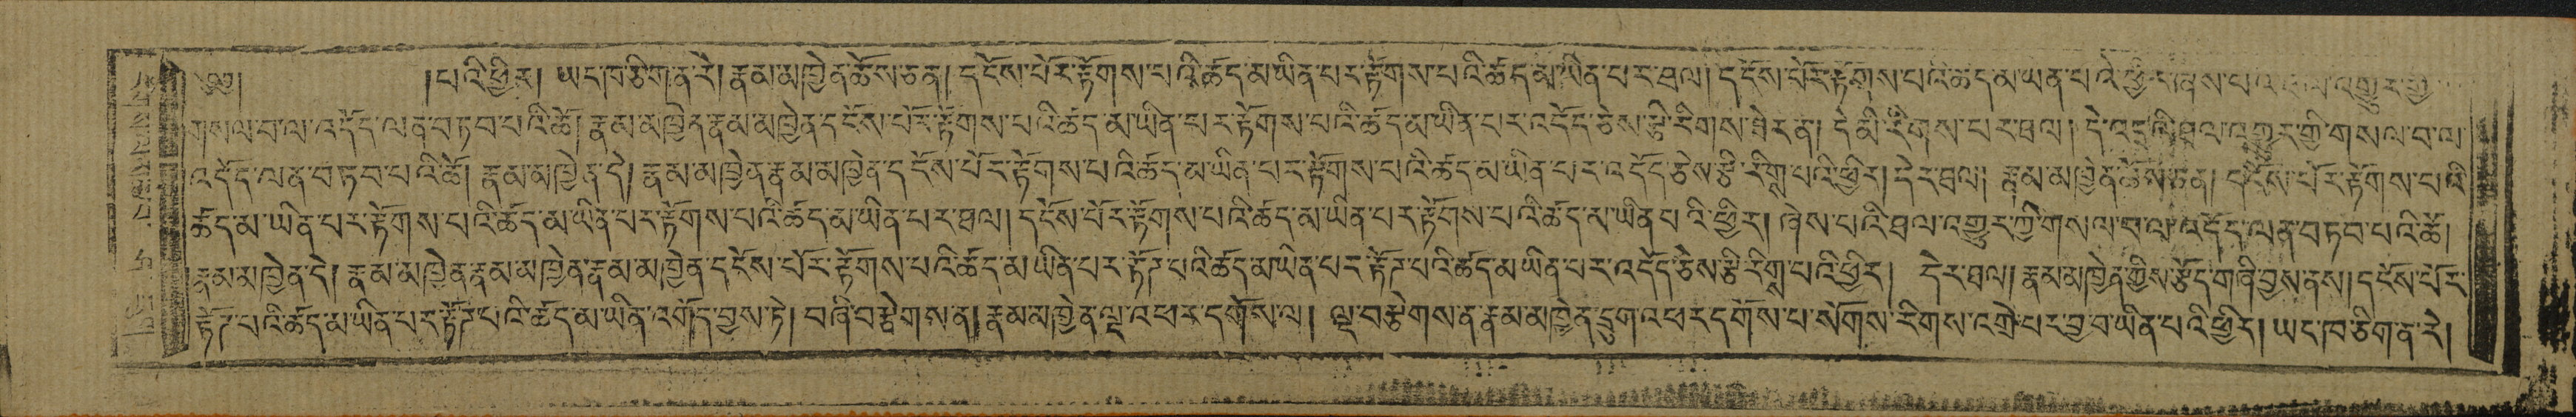༄༅། །པའི་ཕྱིར། ཡང་ཁ་ཅིག་ན་རེ། རྣམ་མཁྱེན་ཆོས་ཅན། དངོས་པོར་རྟོགས་པའི་ཚད་མ་ཡིན་པར་རྟོགས་པའི་ཚད་མ་ཡིན་པར་ཐལ། དངོས་པོར་རྟོགས་པའི་ཚད་མ་ཡིན་པའི་ཕྱིར་ཞེས་པའི་ཐལ་འགྱུར་གྱི་
གསལ་བ་ལ་འདོད་ལན་བཏབ་པའི་ཚེ། རྣམ་མཁྱེན་རྣམ་མཁྱེན་དངོས་པོར་རྟོགས་པའི་ཚད་མ་ཡིན་པར་རྟོགས་པའི་ཚད་མ་ཡིན་པར་འདོད་ཅེས་རྩི་རིགས་ཟེར་ན། དེ་མི་རིགས་པར་ཐལ། དེ་འདྲའི་ཐལ་འགྱུར་གྱི་གསལ་བ་ལ་
འདོད་ལན་བཏབ་པའི་ཚེ། རྣམ་མཁྱེན་དེ། རྣམ་མཁྱེན་རྣམ་མཁྱེན་དངོས་པོར་རྟོགས་པའི་ཚད་མ་ཡིན་པར་རྟོགས་པའི་ཚད་མ་ཡིན་པར་འདོད་ཅེས་རྩི་རིགས་པའི་ཕྱིར། དེར་ཐལ། རྣམ་མཁྱེན་ཆོས་ཅན། དངོས་པོར་རྟོགས་པའི་
ཚད་མ་ཡིན་པར་རྟོགས་པའི་ཚད་མ་ཡིན་པར་རྟོགས་པའི་ཚད་མ་ཡིན་པར་ཐལ། དངོས་པོར་རྟོགས་པའི་ཚད་མ་ཡིན་པར་རྟོགས་པའི་ཚད་མ་ཡིན་པའི་ཕྱིར། ཞེས་པའི་ཐལ་འགྱུར་གྱི་གསལ་བ་ལ་འདོད་ལན་བཏབ་པའི་ཚེ།
རྣམ་མཁྱེན་དེ། རྣམ་མཁྱེན་རྣམ་མཁྱེན་རྣམ་མཁྱེན་དངོས་པོར་རྟོགས་པའི་ཚད་མ་ཡིན་པར་རྟོགས་པའི་ཚད་མ་ཡིན་པར་རྟོགས་པའི་ཚད་མ་ཡིན་པར་འདོད་ཅེས་རྩི་རིགས་པའི་ཕྱིར། དེར་ཐལ། རྣམ་མཁྱེན་གྱིས་རྩོད་གཞི་བྱས་ནས། དངོས་པོར་
རྟོགས་པའི་ཚད་མ་ཡིན་པར་རྟོགས་པའི་ཚད་མ་ཡིན་འགོད་བྱས་ཏེ། བཞི་བརྩེགས་ན། རྣམ་མཁྱེན་ལྔ་འཕར་དགོས་ལ། ལྔ་བརྩེགས་ན་རྣམ་མཁྱེན་དྲུག་འཕར་དགོས་པ་སོགས་རིགས་འགྲེ་པར་བྱ་བ་ཡིན་པའི་ཕྱིར། ཡང་ཁ་ཅིག་ན་རེ།